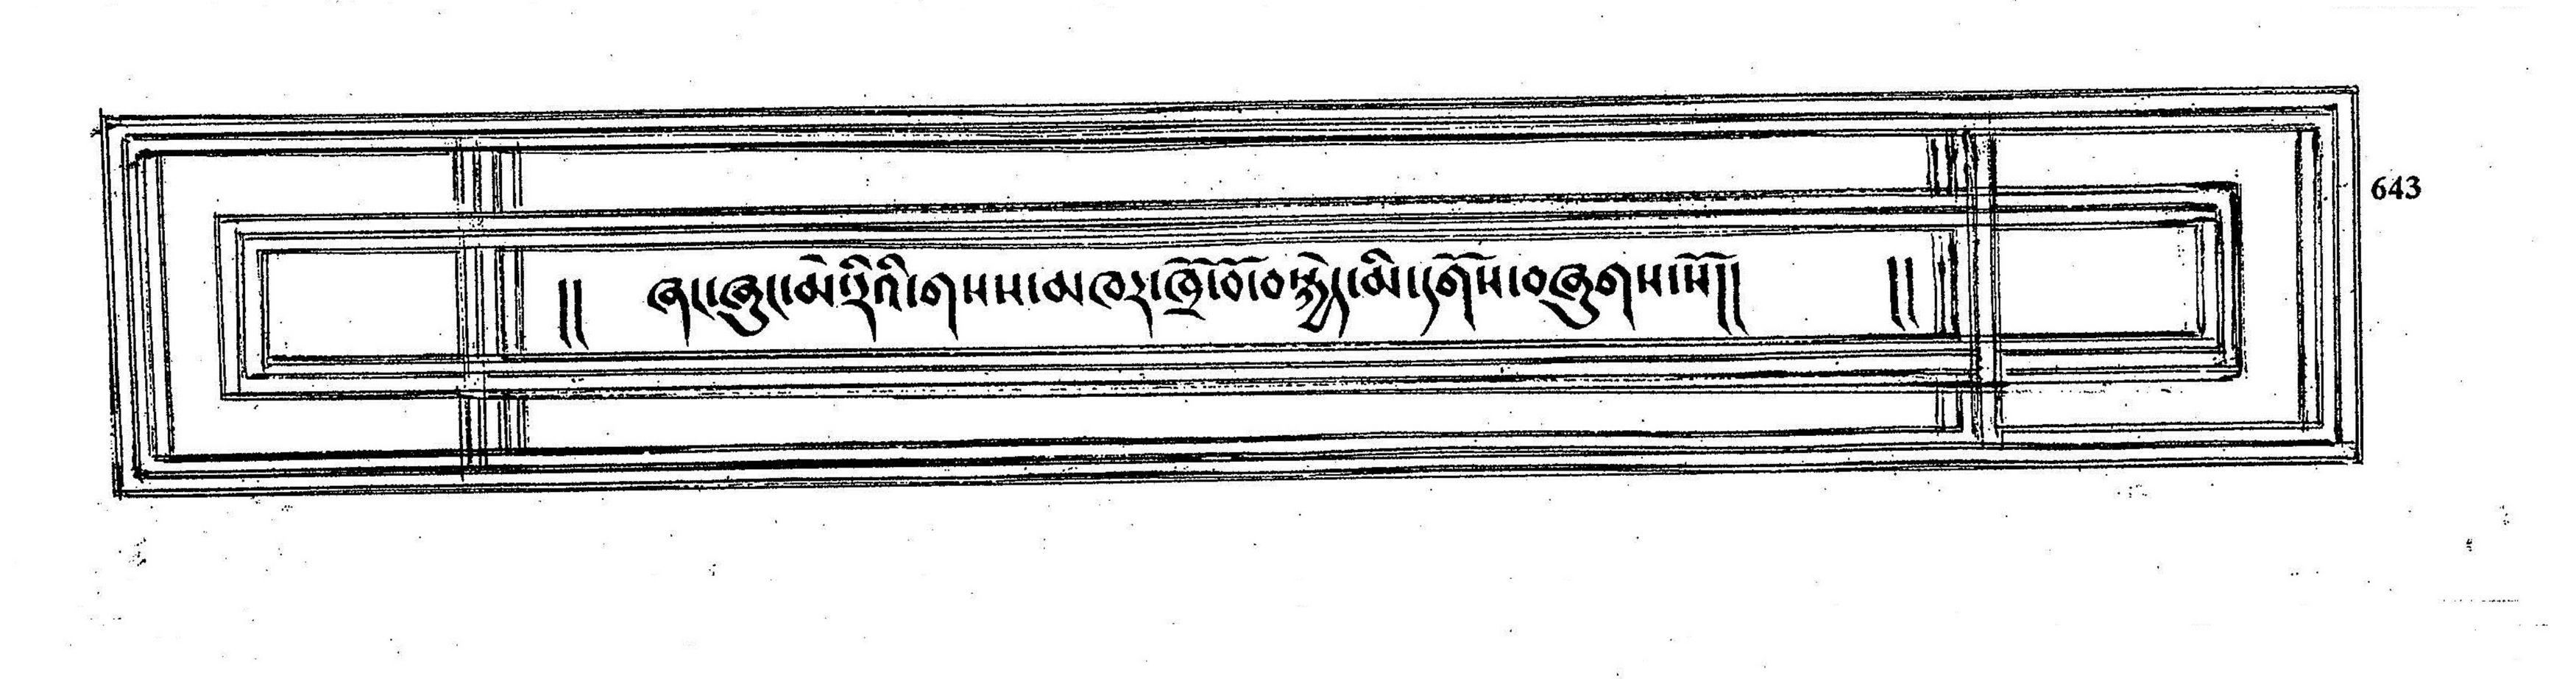།། ཞང་ཞུང་མེ་རིའི་གསས་མཁར་ཁྲོ་བོ་བསྐྱེད་མི་དགོས་བཞུགས་སོ།། །།